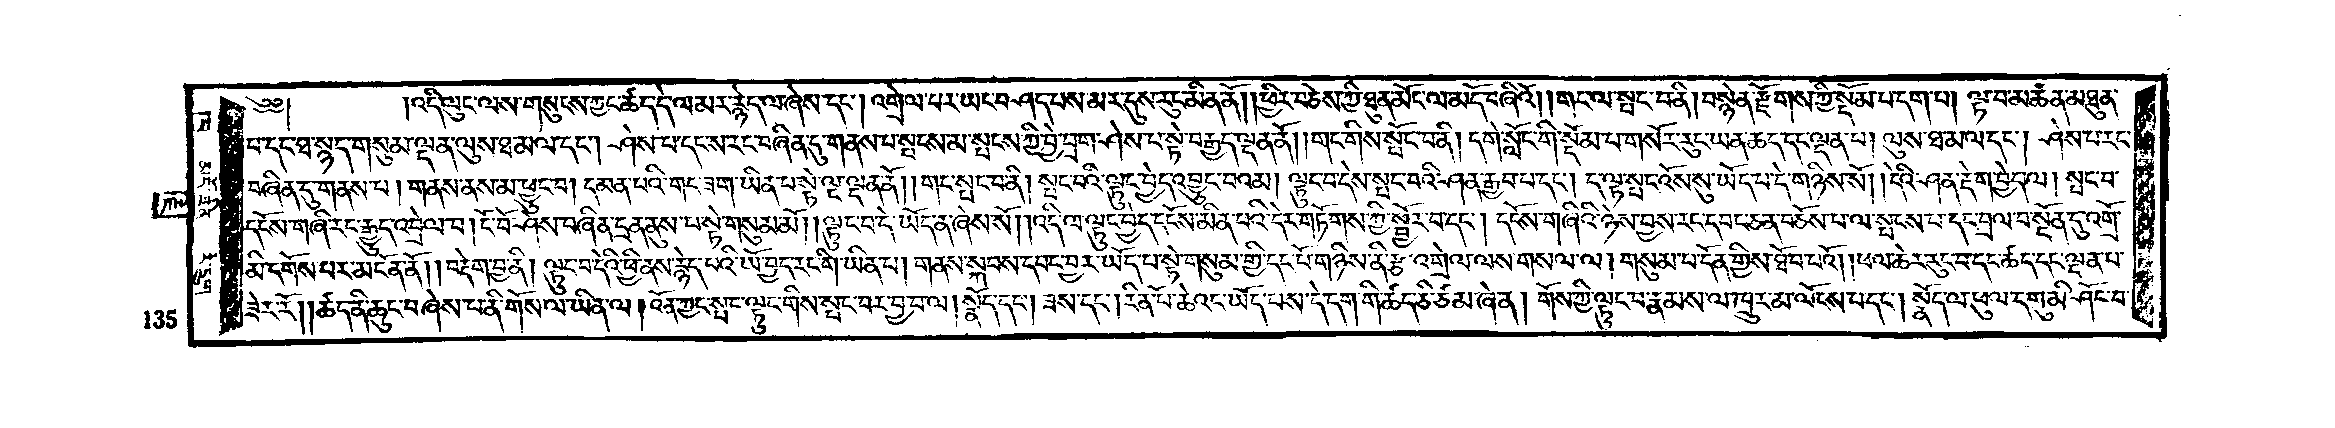༄༅། །འདི་ལུང་ལས་གསུངས་ཀྱང་ཚད་དེ་ལ་མར་རྙེད་ལ་ཞེས་དང་། འགྲེལ་པར་ཡང་བཤད་པས་མར་དུས་རུང་མིན་ནོ། །ཕྱིར་བཅོས་ཀྱི་ཐུན་མོང་ལ་མདོ་བཞིའོ། །གང་ལ་སྤང་བ་ནི། བསྙེན་རྫོགས་ཀྱི་སྡོམ་པ་དག་པ། ལྟ་བ་མཚན་མཐུན་
པ་དང་ཐ་སྙད་གསུམ་ལྡན་ལུས་ཐ་མལ་དང་། ཤེས་པ་དང་ས་རང་བཞིན་དུ་གནས་པ་སྤངས་མ་སྤངས་ཀྱི་བྱེ་བྲག་ཤེས་པ་སྟེ་བརྒྱད་ལྡན་ནོ། །གང་གིས་སྤོང་བ་ནི། དགེ་སློང་གི་སྡོམ་པ་གསོར་རུང་ཡན་ཆད་དང་ལྡན་པ། ལུས་ཐ་མལ་དང་། ཤེས་པ་རང་
བཞིན་དུ་གནས་པ། གནས་ནས་མ་ཕྱུང་བ། དམན་པའི་གང་ཟག་ཡིན་པ་སྟེ་ལྔ་ལྡན་ནོ། །གང་སྤང་བ་ནི། སྤང་བའི་ལྟུང་བྱེད་འབྱུང་བའམ། ལྟུང་བ་དེས་སྤང་བའི་ཤན་རྒྱབ་པ་དང་། ད་ལྟ་སྤང་འོས་སུ་ཡོད་པ་དེ་གཉིས་སོ། །དེའི་ཤན་རྡེག་བྱེད་ལ། སྤང་བ་
དངོས་གཞི་རང་རྒྱུད་འབྲེལ་བ། ངོ་བོ་ཤེས་བཞིན་དྲན་ནུས་པ་སྟེ་གསུམ་མོ། །ལྟུང་བ་དེ་ཡོད་ན་ཞེས་སོ། །འདི་ལ་ལྟུང་བྱེད་དངོས་མིན་པའི་དེར་གཏོགས་ཀྱི་སྦྱོར་བ་དང་། དངོས་གཞིའི་ཉེས་བྱས་རང་དབང་ཅན་བཅོས་པ་ལ་སྤངས་པ་དང་བྲལ་བ་སྔོན་དུ་འགྲོ་
མི་དགོས་པར་མངོན་ནོ། །བརྡེག་བྱ་ནི། ལྟུང་བ་དེའི་ཕྱི་ནས་རྙེད་པའི་ཡོ་བྱད་རང་གི་ཡིན་པ། གནས་སྐབས་དབང་བྱར་ཡོད་པ་སྟེ་གསུམ་གྱི་དང་པོ་གཉིས་ནི་རྩ་འགྲེལ་ལས་གསལ་ལ། གསུམ་པ་དོན་གྱིས་ཐོབ་པའོ། །ཕལ་ཆེར་རུང་བ་དང་ཚད་དང་ལྡན་པ་
ཟེར་རོ། །ཚད་ནི་ཆུང་བ་ཞེས་པ་ནི་གོས་ལ་ཡིན་ལ། འོན་ཀྱང་སྤང་ལྟུང་གིས་སྤང་བར་བྱ་བ་ལ། སྣོད་དང་། ཟས་དང་། རིན་པོ་ཆེའང་ཡོད་པས་དེ་དག་གི་ཚད་ཅི་ཙམ་ཞེ་ན། གོས་ཀྱི་ལྟུང་བ་རྣམས་ལ་ཁྲུར་མ་ལོངས་པ་དང་། སྣོད་ལ་ཕུལ་དགུ་མི་ཤོང་བ་